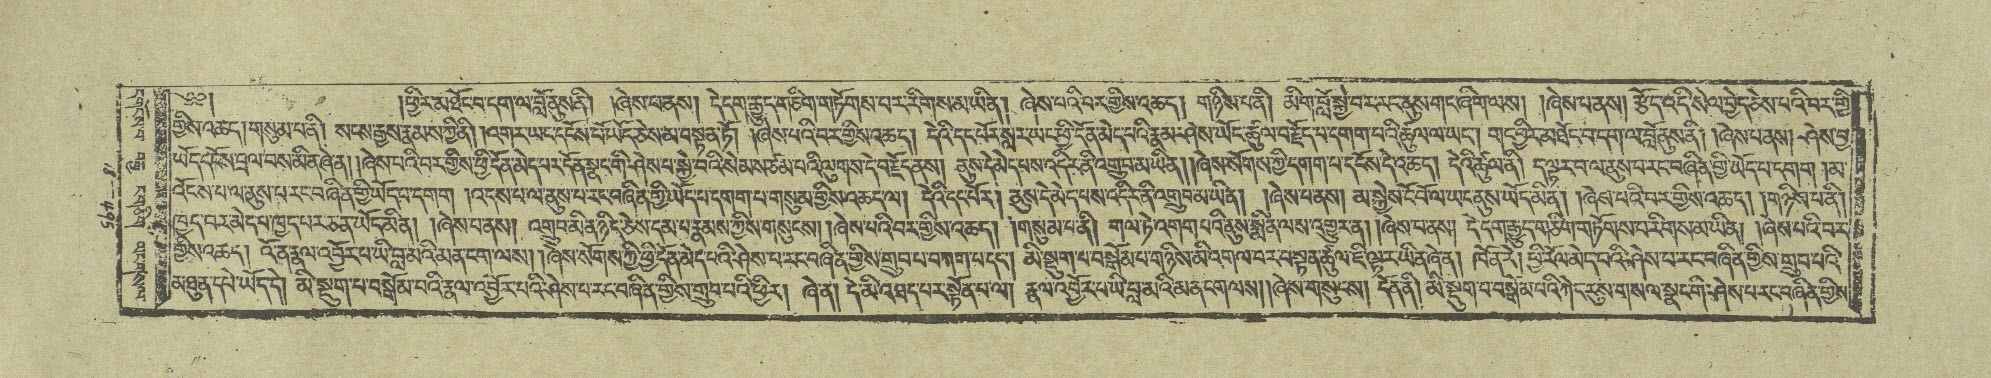༄༅། །ཕྱིར་མཐོང་བ་དག་ལ་བློ་ནུས་ནི། །ཞེས་པ་ནས། དེ་དག་རྒྱུད་གཅིག་གཏོགས་པར་རིགས་མ་ཡིན། ཞེས་པའི་བར་གྱིས་འཆད། གཉིས་པ་ནི། མིག་བློ་སྐྱེ་བར་རང་ནུས་གང་ཞིག་ལས། །ཞེས་པ་ནས། རྩོད་འདི་སེལ་བྱེད་ཅེས་པའི་བར་གྱི་
གྱིས་འཆད། གསུམ་པ་ནི། སངས་རྒྱས་རྣམས་ཀྱི་ནི། །འགར་ཡང་དངོས་པོ་ཡོད་ཅེས་མ་བསྟན་ཏོ། །ཞེས་པའི་བར་གྱིས་འཆད། དེའི་དང་པོར་སླར་ཡང་ཕྱི་དོན་མེད་པའི་རྣམ་ཤེས་ཡོང་ཚུལ་བརྗོད་པ་དགག་པའི་ཚུལ་ལ་ཡང་། གང་ཕྱིར་མཐོང་བ་དག་ལ་བློ་ནུས་ནི། །ཞེས་པ་ནས། ཤེས་བྱ་
ཡོད་དངོས་བྲལ་བས་མིན་ཞེ་ན། །ཞེས་པའི་བར་གྱིས་ཕྱི་དོན་མེད་པར་དོན་སྣང་གི་ཤེས་པ་སྐྱེ་བའི་སེམས་ཙམ་པའི་ལུགས་དེ་བརྗོད་ནས། ནུས་དེ་མེད་པས་འདིར་ནི་འགྲུབ་མ་ཡིན། །ཞེས་སོགས་ཀྱི་དགག་པ་དངོས་དེ་འཆད། དེའི་ཚུལ་ནི། ད་ལྟར་བ་ལ་ནུས་པ་རང་བཞིན་གྱི་ཡོད་པ་དགག །མ་
འོངས་པ་ལ་ནུས་པ་རང་བཞིན་གྱི་ཡོད་པ་དགག །འདས་པ་ལ་ནུས་པ་རང་བཞིན་གྱི་ཡོད་པ་དགག་པ་གསུམ་གྱིས་འཆད་ལ། དེའི་དང་པོར། ནུས་དེ་མེད་པས་འདིར་ནི་འགྲུབ་མ་མིན། །ཞེས་པ་ནས། མ་སྐྱེས་ངོ་བོ་ལ་ཡང་ནུས་ཡོད་མིན། །ཞེས་པའི་བར་གྱིས་འཆད། །གཉིས་པ་ནི།
ཁྱད་པར་མེད་པ་ཁྱད་པར་ཅན་ཡོད་མིན། །ཞེས་པ་ནས། འགྲུབ་མིན་ཉིད་ཅེས་དམ་པ་རྣམས་ཀྱིས་གསུངས། །ཞེས་པའི་བར་གྱིས་འཆད། །གསུམ་པ་ནི། གལ་ཏེ་འགག་པའི་ནུས་སྨིན་ལས་འགྱུར་ན། །ཞེས་པ་ནས། དེ་དག་རྒྱུད་གཅིག་གཏོགས་པ་རིགས་མ་ཡིན། །ཞེས་པའི་བར་
གྱིས་འཆད། འོན་རྣལ་འབྱོར་བ་ཡི་བླ་མའི་མན་ངག་ལས། །ཞེས་སོགས་ཀྱི་ཕྱི་དོན་མེད་པའི་ཤེས་པ་རང་བཞིན་གྱིས་གྲུབ་པ་བཀག་པ་དང་། མི་སྡུག་པ་བསྒོམ་པ་གཉིས་མི་འགལ་བར་བསྟན་ཚུལ་ཇི་ལྟར་ཡིན་ཞེ་ན། ཁོ་ན་རེ། ཕྱི་རོལ་མེད་པའི་ཤེས་པ་རང་བཞིན་གྱིས་གྲུབ་པའི་
མཐུན་དཔེ་ཡོད་དེ། མི་སྡུག་པ་བསྒོམ་པའི་རྣལ་འབྱོར་བའི་ཤེས་པ་རང་བཞིན་གྱིས་གྲུབ་པའི་ཕྱིར། ཞེ་ན། དེ་མི་འཐད་པར་སྟོན་པ་ལ། རྣལ་འབྱོར་པ་ཡི་བླ་མའི་མན་ངག་ལས། །ཞེས་གསུངས། དོན་ནི། མི་སྡུག་པ་བསྒོམ་པའི་ཀེང་རུས་གསལ་སྣང་གི་ཤེས་པ་རང་བཞིན་གྱིས་